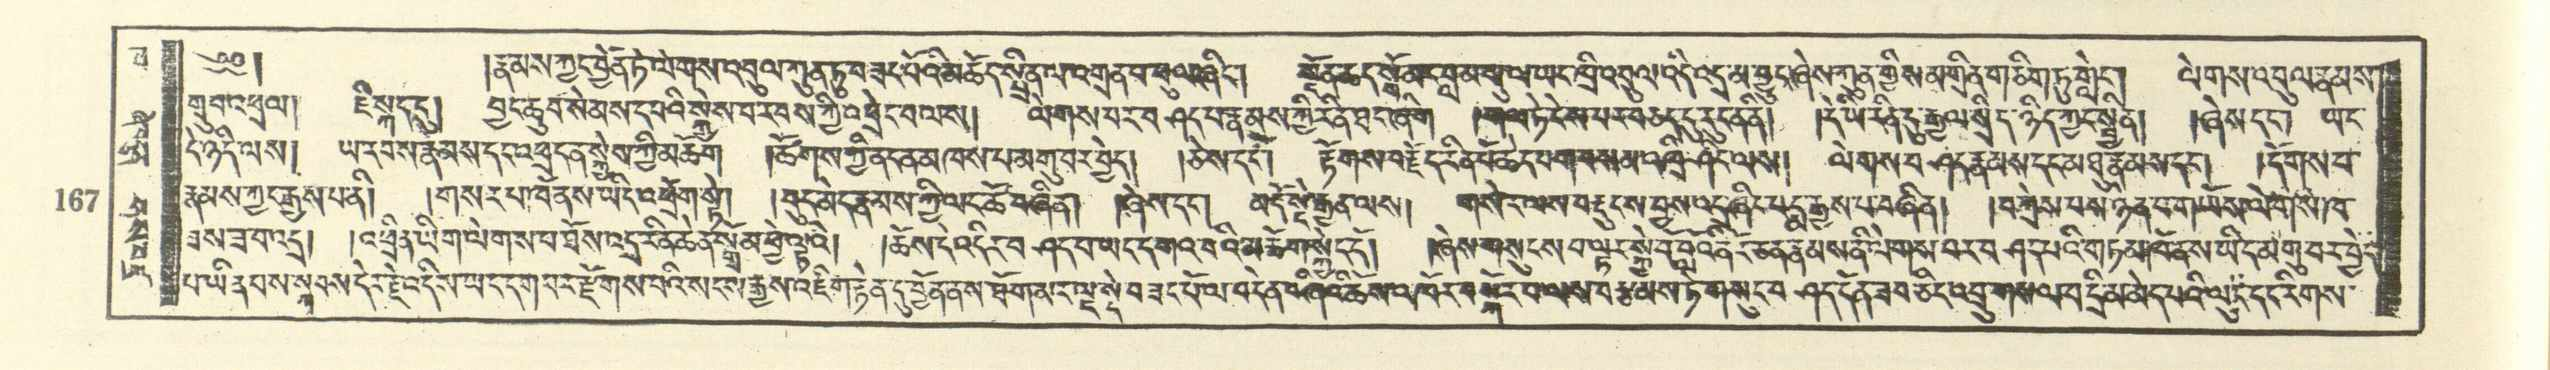༄༅། །རྣམས་ཀྱང་བྱོན་ཏེ་ལེགས་འབུལ་ཀུན་ཏུ་བཟང་བོའི་མཆོད་སྤྲིན་ལ་འགྲན་པ་ཕུལ་ཞིང་། སྔོན་ཆད་སྒོ་མང་བླ་མ་སུ་ལ་ཡང་ཁྲི་འབུལ་འདི་འདྲ་མ་བྱུང་ཞེས་ཀུན་གྱིས་མགྲིན་གཅིག་ཏུ་གླེང་། ལེགས་འབུལ་རྣམས་
གྲུབ་འཕྲལ། ཇི་སྐད་དུ། བྱང་ཆུབ་སེམས་དཔའི་སྐྱེས་པ་རབས་ཀྱི་འཕྲེང་བ་ལས། ལེགས་པར་བཤད་པ་རྣམས་ཀྱི་རིན་ཐང་ཞིག །གལ་ཏེ་ངེས་པར་བཅད་དུ་རུང་ན་ནི། །དེ་ཡི་རིན་དུ་རྒྱལ་སྲིད་ཉིད་ཀྱང་སྦྱིན། །ཞེས་དང་། ཡང་
དེ་ཉིད་ལས། ཡ་རབས་རྣམས་དང་འཕྲད་ན་སྐྱེས་ཀྱི་མཆོག །ཚོགས་ཀྱི་ནང་ན་མཁས་པ་མགུ་བར་བྱེད། །ཅེས་དང་། རྟོགས་བརྗོད་རིན་པོ་ཆེ་དཔག་བསམ་འཁྲི་ཤིང་ལས། ལེགས་བཤད་རྣམས་དང་མཐུ་རྣམས་དང་། །དོགས་པ་
རྣམས་ཀྱང་རྒྱས་པ་ནི། །གསར་པ་ཁོ་ནས་ཡིད་འཕྲོག་སྟེ། །བུད་མེད་རྣམས་ཀྱི་ལང་ཚོ་བཞིན། །ཞེས་དང་། མདོ་སྡེ་རྒྱན་ལས། གསེར་ལས་བརྡུངས་བྱས་འདྲ་ཞིང་པདམ་རྒྱས་པ་བཞིན། །བཀྲེས་པས་ཉེན་པ་གཡོས་ལེགས་ཁ་
ཟས་ཟ་བ་འདྲ། །འཕྲིན་ཡིག་ལེགས་པ་ཐོས་འདྲ་རིན་ཆེན་སྒྲོམ་ཕྱེ་ལྟའི། །ཆོས་དེ་འདིར་བཤད་པ་ཡང་དགའ་བའི་མཆོག་སྐྱེད་དོ། །ཞེས་གསུངས་པ་ལྟར་སྐྱེ་བོ་བློའི་ནོར་ཅན་རྣམས་ནི་ལེགས་པར་བཤད་པའི་གཏམ་ཁོ་ནས་ཡིད་མགུ་བར་བྱེད་
པ་ཡིན་པས་སྐབས་དེར་རྗེ་འདིས་ཡང་དག་པར་རྫོགས་པའི་སངས་རྒྱས་འཇིག་རྟེན་དུ་བྱོན་ནས་ཐོག་མར་ལྔ་སྡེ་བཟང་པོ་ལ་བདེན་བཞིའི་ཆོས་འཁོར་བསྒོར་བ་ལས་བརྩམས་ཏེ་གསུང་བཤད་དོན་ཟབ་ཅིང་འབྲུ་གསལ་བ་དྲི་མ་མེད་པའི་ལུང་དང་རིགས་